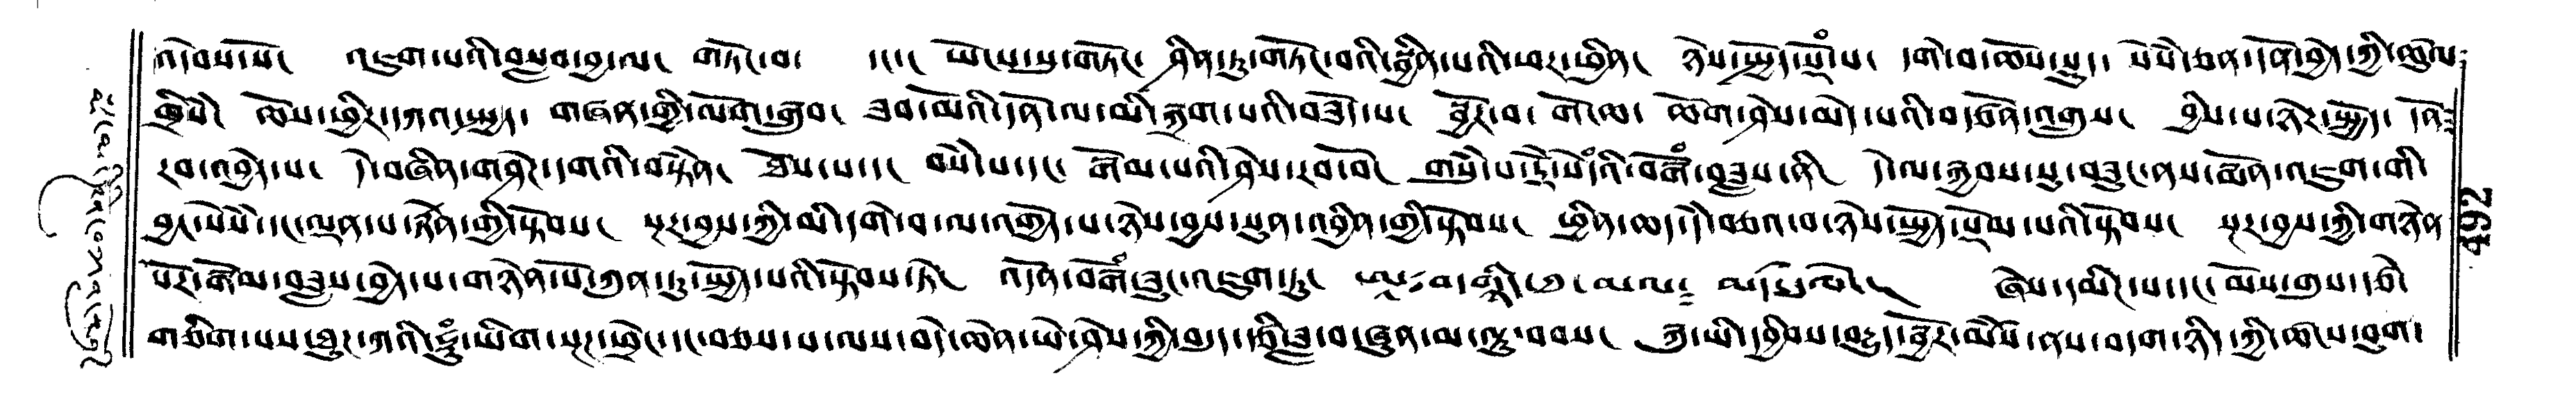འདེབས་སོ། འཇུག་པའི་བསླབ་བྱ་ལ། གཏོང་བ་དང་། ཡོངས་སུ་གཏོང་། ཤིན་ཏུ་གཏོང་བའི་སྦྱིན་པའི་ཕར་ཕྱིན། ཉེས་སྤྱོད་སྡོམ་པ། དགེ་བ་ཆོས་སྡུད། སེམས་ཅན་དོན་བྱེད་ཀྱི་ཚུལ་
ཁྲིམས། ཆོས་ཕྱིར་དཀའ་སྤྱད། གཞན་གྱི་ལོག་སྒྲུབ། ཟབ་མོའི་དོན་ལ་མི་སྐྲག་པའི་བཟོད་པ། སྦྱོར་བ། གོ་ཆ། ཆོག་ཤེས་མེད་པའི་བརྩོན་འགྲུས། བྱིས་པ་ཉེར་སྤྱོད། དོན་
རབ་འབྱེད་པ། དེ་བཞིན་གཤེགས་དགའི་བསམ་གཏན་ནམ། ཐོས་པ་དང་། བསམ་པ་དང་། སྒོམ་པའི་ཤེས་རབ་བོ། གསུམ་པ་རྡོ་རྗེ་སེམས་དཔའི་སྒོམ་བཟླས་ནི། དེ་ལ་སྐྱབས་སུ་བཟུང་ནས་སྨོན་འཇུག་གི་
བྱང་སེམས་དང་ལྡན་པ་རྟེན་གྱི་སྟོབས། སྔར་བྱས་ཀྱི་མི་དགེ་བ་ལ་འགྱོད་པ་ཉེས་བྱས་སུན་འབྱིན་གྱི་སྟོབས།ཕྱིན་ཆད་དམ་བཅའ་བ་ཉེས་སྤྱོད་སྡོམ་པའི་སྟོབས། སྔར་བྱས་ཀྱི་གཉེན་
པོར་སྒོམ་བཟླས་བྱེད་པ་གཉེན་པོ་ཀུན་ཏུ་སྤྱོད་པའི་སྟོབས་ཏེ། འདོན་སྒོམ་ཟུང་འཇུག་ཏུ། ཨཱཿབདག་ཉིད་ཐ་མལ༴ མཛད་དུ་གསོལ༔ ཞེས་དམིགས་པ་དང་མོས་གུས་རྩེ་
གཅིག་པས་ཐུགས་ཀའི་ཧཱུཾ་ཡིག་སྔགས་ཕྲེང་དང་བཅས་པ་ལས་བདེ་ཆེན་ཡེ་ཤེས་ཀྱི་བདུད་རྩི་ཟླ་བ་ཞུན་མ་ལྟ་བུ་བབས། སྐུ་ཡི་དབྱིབས་བརྒྱུད་སྦྱོར་མཚམས་ནས་བདག་ཉིད་ཀྱི་ཚངས་བུག་